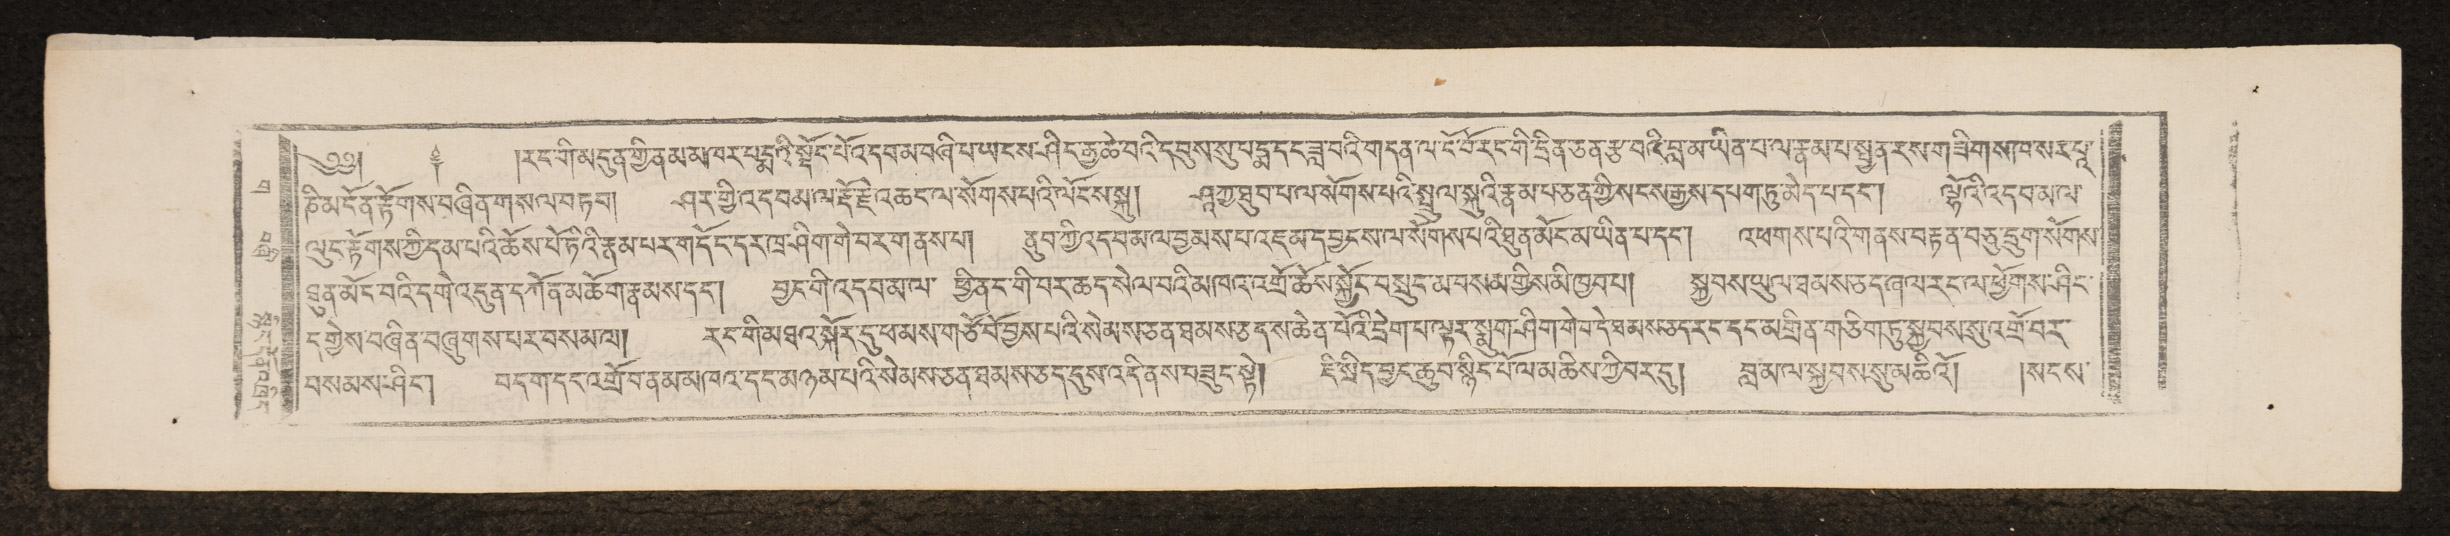༄༅། ༈ །རང་གི་མདུན་གྱི་ནམ་མཁར་པདམའི་སྡོང་པོ་འདབ་མ་བཞི་པ་ལངས་ཤིང་རྒྱ་ཆེ་བའི་དབུས་སུ་པདམ་དང་ཟླ་བའི་གདན་ལ་ངོ་བོ་རང་གི་དྲིན་ཅན་རྩ་བའི་བླ་མ་ཡིན་པ་ལ་རྣམ་པ་སྤྱན་རས་གཟིགས་ཁ་སར་པཱ་
ཎི་མངོན་རྟོགས་བཞིན་གསལ་བཏབ། ཤར་གྱི་འདབ་མ་ལ་རྡོ་རྗེ་འཆང་ལ་སོགས་པའི་ཡོངས་སྐུ། ཤཱཀྱ་ཐུབ་པ་ལ་སོགས་པའི་སྤྲུལ་སྐུའི་རྣམ་པ་ཅན་གྱི་སངས་རྒྱས་དཔག་ཏུ་མེད་པ་དང་། ལྷོའི་འདབ་མ་ལ་
ལུང་རྟོགས་ཀྱི་དམ་པའི་ཆོས་པོ་ཏིའི་རྣམ་པར་གདོང་དར་ཁྲ་ཤིག་གེ་བར་གནས་པ། ནུབ་ཀྱི་འདབ་མ་ལ་བྱམས་པ་འཇམ་དབྱངས་ལ་སོགས་པའི་ཐུན་མོང་མ་ཡིན་པ་དང་། འཕགས་པའི་གནས་བརྟན་བཅུ་དྲུག་སོགས་
ཐུན་མོང་བའི་དགེ་འདུན་དཀོན་མཆོག་རྣམས་དང་། བྱང་གི་འདབ་མ་ལ་ཕྱི་ནང་གི་བར་ཆད་སེལ་བའི་མཁའ་འགྲོ་ཆོས་སྐྱོང་བསྲུང་མ་བསམ་གྱིས་མི་ཁྱབ་པ། སྐྱབས་ཡུལ་ཐམས་ཅད་ཞལ་རང་ལ་ཕྱོགས་ཤིང་
དགྱེས་བཞིན་བཞུགས་པར་བསམ་ལ། རང་གི་མཐའ་སྐོར་དུ་ཕ་མས་གཙོ་བོ་བྱས་པའི་སེམས་ཅན་ཐམས་ཅད་ས་ཆེན་པོའི་དྲེག་པ་ལྟར་སྨུག་ཤིག་གེབ་དེ་ཐམས་ཅད་རང་དང་མགྲིན་གཅིག་ཏུ་སྐྱབས་སུ་འགྲོ་བར་
བསམས་ཤིང་། བདག་དང་འགྲོ་བ་ནམ་མཁའ་དང་མཉམ་པའི་སེམས་ཅན་ཐམས་ཅད་དུས་འདི་ནས་བཟུང་སྟེ། ཇི་སྲིད་བྱང་ཆུབ་སྙིང་པོ་ལ་མཆིས་ཀྱི་བར་དུ། བླ་མ་ལ་སྐྱབས་སུ་མཆིའོ། །སངས་